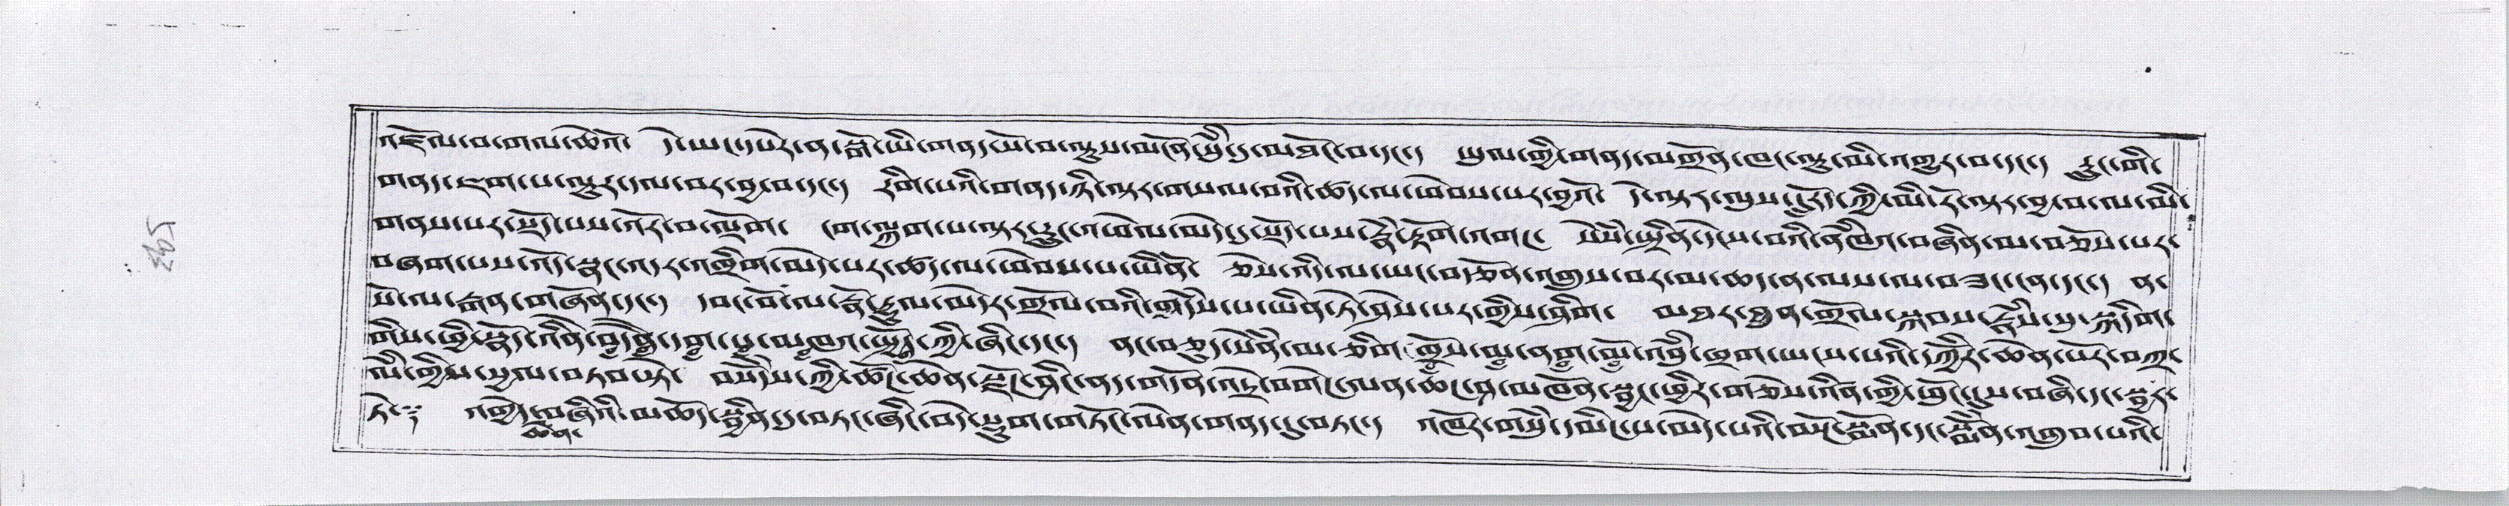འཛོལ་བ་གལ་ཆེའོ། །དེ་ཡང་དཔེར་ན་སྒོ་ཡི་གནད་སོ་བ་ལྟ་བུས་མངོན་སུམ་དུ་མཐོང་བ་དང་། ཡུལ་གྱི་གནད་མགྲོན་ཁང་ལྟ་བུ་མི་འགྱུར་བ་དང་། རླུང་གི་
གནད་ཇག་པ་ལྟ་བུ་དལ་བར་བྱ་བ་དང་། རིག་པའི་གནད་ཉི་ལྟར་གསལ་བའི་ཚད་ལ་ཕེབས་པར་བྱའོ། དེ་ལྟར་ལུས་དུར་ཁྲོད་ཀྱི་མི་རོ་ལྟར་བྱ་བ་ལ་མི་
གནས་པར་སྡོད་པས་འཁོར་བ་ལྡོག ངག་ལྐུགས་པ་ལྟར་རླུང་འཕེལ་མེད་དུ་སྡོད་པས་རྣམ་རྟོག་འགག སེམས་སྤྲིན་དེངས་པའི་ནམ་མཁའ་བཞིན་མ་བཅོས་པར་
བཞག་པས་འོད་སྣང་འདར་འཁྲིག་མེད་པར་ཚད་ལ་ཕེབས་པ་ཡིན་ནོ། ཅེས་འདི་ལ་ཡང་བརྩོན་འགྲུས་བར་མ་ཆད་ན་ལས་ལ་བཟང་ངན་དང་། ན་
སོ་ལ་རྒན་གཞོན་དང་། དབང་པོ་ལ་རྣོ་རྟུལ་མེད་པར་གྲོལ་བའི་གདམས་པ་ཡིན་ཏེ་ཤེས་པར་གྱིས་ཤིག མཐར་ཐུན་གྲོལ་སྐབས་རྣམས་སུ་སྐད་ཅིག་
གིས་ཕྱི་སྣོད་འཇིག་རྟེན་བདེ་ཆེན་དག་པ་མཁའ་སྤྱོད་ཀྱི་ཞིང་དང་། ནང་བཅུད་སེམས་ཅན་མ་ཅིག་འཁྲོས་མ་ནག་མོ་འབུམ་ཕྲག་ཡངས་པའི་དཀྱིལ་འཁོར་ཆེན་པོར་བཀྲ་
ལམ་གྱིས་གསལ་བཏབ་སྟེ། བསོད་ནམས་ཀྱི་ཚོགས་ཆེན་རྫོགས་ཤིང་། ནད་གདོན་འདྲེ་བགེགས་ལན་ཆགས་ཤ་འཁོན་སྦྱང་ཕྱིར་གཅེས་འཛིན་གྱི་ཕུང་པོ་དུས་བཞི་དང་སྦྱར་
ཏེ། འགྱེད་ཆེན་བཞིའི་མཆོད་སྦྱིན་དུ་བཏང་ཞིང་བདེ་སྡུག་གཏོང་ལེན་གནད་དུ་བཏང་། འཁོར་གསུམ་དམིགས་པ་མེད་པའི་བསྔོ་སྨོན་དང་སྨོན་ལམ་འགྲུབ་པའི་